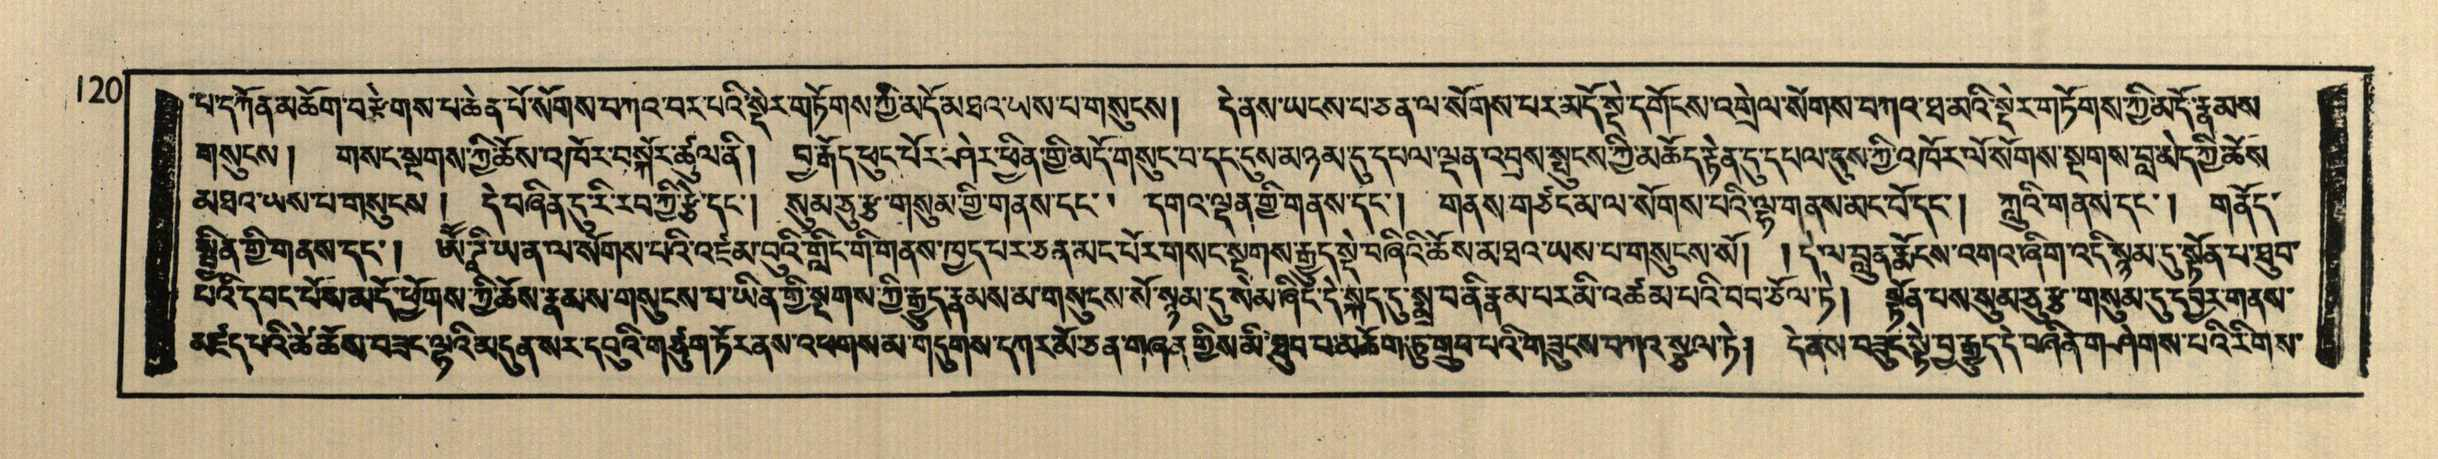པ་དཀོན་མཆོག་བརྩེགས་པ་ཆེན་པོ་སོགས་བཀའ་བར་པའི་སྡེར་གཏོགས་ཀྱི་མདོ་མཐའ་ཡས་པ་གསུངས། དེ་ནས་ཡངས་པ་ཅན་ལ་སོགས་པར་མདོ་སྡེ་དགོངས་འགྲེལ་སོགས་བཀའ་ཐ་མའི་སྡེར་གཏོགས་ཀྱི་མདོ་རྣམས་
གསུངས། གསང་སྔགས་ཀྱི་ཆོས་འཁོར་བསྐོར་ཚུལ་ནི། བྱ་རྒོད་ཕུང་པོར་ཤེར་ཕྱིན་གྱི་མདོ་གསུང་བ་དང་དུས་མཉམ་དུ་དཔལ་ལྡན་འབྲས་སྤུངས་ཀྱི་མཆོད་རྟེན་དུ་དཔལ་དུས་ཀྱི་འཁོར་ལོ་སོགས་སྔགས་བླ་མེད་ཀྱི་ཆོས་
མཐའ་ཡས་པ་གསུངས། དེ་བཞིན་དུ་རི་རབ་ཀྱི་རྩེ་དང་། སུམ་ཅུ་རྩ་གསུམ་གྱི་གནས་དང་། དགའ་ལྡན་གྱི་གནས་དང་། གནས་གཙང་མ་ལ་སོགས་པའི་ལྷ་གནས་མང་པོ་དང་། ཀླུའི་གནས་དང་། གནོད་
སྦྱིན་གྱི་གནས་དང་། ཨཽ་ཌཱི་ཡ་ན་ལ་སོགས་པའི་འཛམ་བུའི་གླིང་གི་གནས་ཁྱད་པར་ཅན་མང་པོར་གསང་སྔགས་རྒྱུད་སྡེ་བཞིའི་ཆོས་མཐའ་ཡས་པ་གསུངས་སོ། །དེ་ལ་བླུན་རྨོངས་འགའ་ཞིག་འདི་སྙམ་དུ་སྟོན་པ་ཐུབ་
པའི་དབང་པོས་མདོ་ཕྱོགས་ཀྱི་ཆོས་རྣམས་གསུངས་པ་ཡིན་གྱི་སྔགས་ཀྱི་རྒྱུད་རྣམས་མ་གསུངས་སོ་སྙམ་དུ་སེམ་ཞིང་དེ་སྐད་དུ་སྨྲ་བ་ནི་རྣམ་པར་མི་འཚམ་པའི་བབ་ཅོལ་ཏེ། སྟོན་པས་སུམ་ཅུ་རྩ་གསུམ་དུ་དབྱར་གནས་
མཛད་པའི་ཚེ་ཆོས་བཟང་ལྷའི་མདུན་སར་དབུའི་གཙང་ཏོར་ནས་འཕགས་མ་གདུགས་དཀར་མོ་ཅན་གཞན་གྱིས་མི་ཐུབ་པ་མཆོག་ཏུ་གྲུབ་པའི་གཟུངས་བཀའ་སྩལ་ཏེ། དེ་ནས་བཟུང་སྟེ་བྱ་རྒྱུད་དེ་བཞིན་གཤེགས་པའི་རིགས་